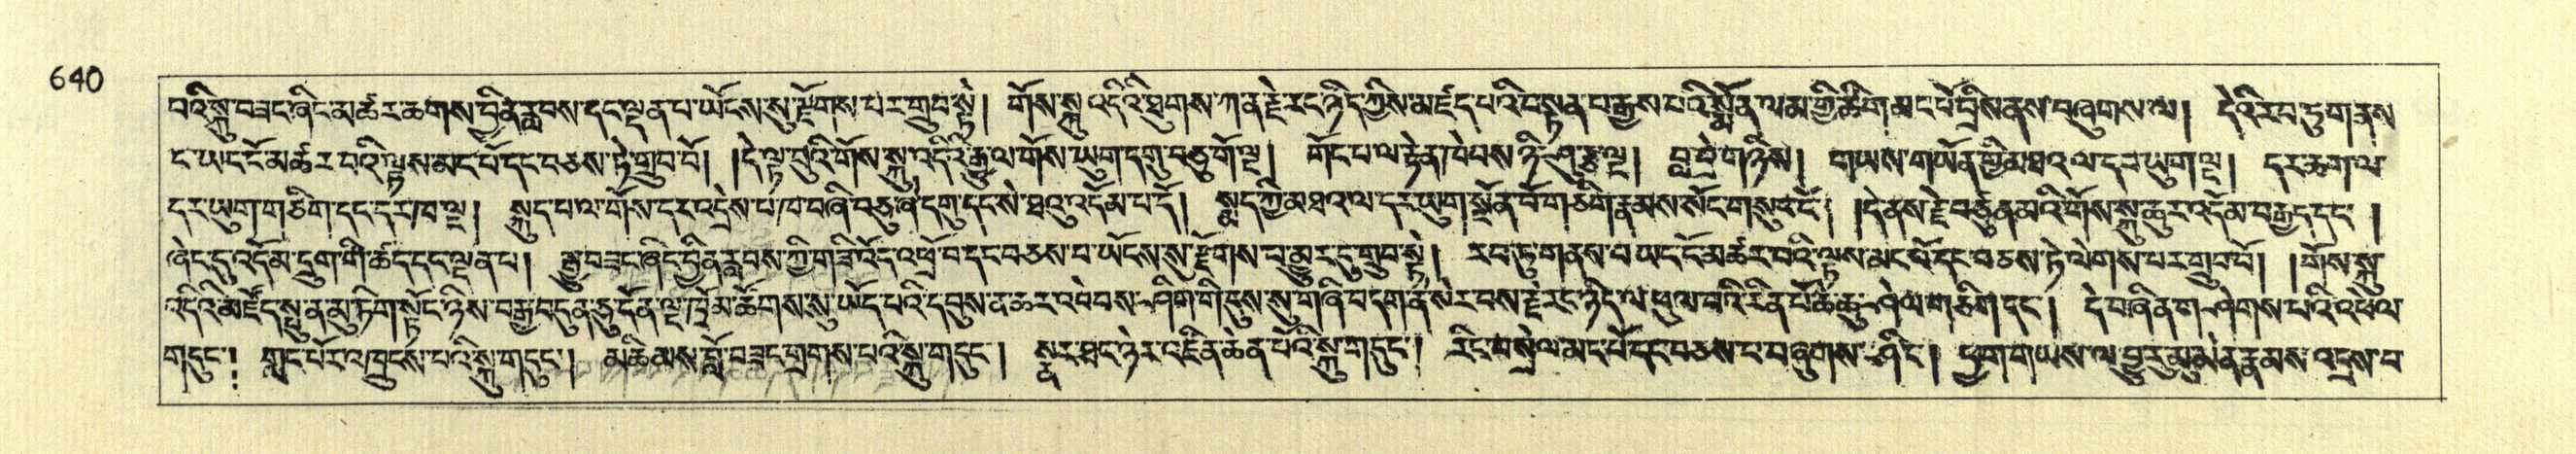པའི་སྐུ་བཟང་ཞིང་མཚར་ཆགས་བྱིན་རླབས་དང་ལྡན་པ་ཡོངས་སུ་རྫོགས་པར་གྲུབ་སྟེ། གོས་སྐུ་འདིའི་ཐུགས་ཀ་ན་རྗེ་རང་ཉིད་ཀྱིས་མཛད་པའི་བསྟན་པ་རྒྱས་པའི་སྨོན་ལམ་གྱི་ཚིག་མང་པོ་བྲིས་ནས་བཞུགས་ལ། དེའི་རབ་ཏུ་གནས་
ང་ཡང་ངོ་མཚར་བའི་ལྟས་མང་པོ་དང་བཅས་ཏེ་གྲུབ་བོ། །དེ་ལྟ་བུའི་གོས་སྐུ་འདིའི་རྒྱུ་ལ་གོས་ཡུག་དགུ་བཅུ་གོ་ལྔ། གོང་པ་ལ་རྟེན་ཁེབས་ཉི་ཤུ་རྩ་ལྔ། བླ་བྲེ་གཉིས། གཡས་གཡོན་གྱི་མཐའ་ལ་དབ་ཡུག་ལྔ། དར་ཆག་ལ་
དར་ཡུག་གཅིག་དང་དར་ཁ་ལྔ། སྐུད་པ་ལ་གོས་དར་འདྲེས་པ་ཁ་བཞི་བཅུ་ཞེ་དགུ་དང་སེ་ཐའུ་འདོམ་པ་དོ། སྨད་ཀྱི་མཐའ་ལ་དར་ཡུག་སྔོན་བོ་གཅིག་རྣམས་སོང་གསུང་ངོ། །དེ་ནས་རྗེ་བཙུན་མའི་གོས་སྐུ་ཆུར་འདོམ་བརྒྱད་དང་།
ཞེང་དུ་འདོམ་དྲུག་གི་ཚད་དང་ལྡན་པ། རྒྱུ་བཟང་ཞིང་བྱིན་རླབས་ཀྱི་གཟི་འོད་འཕྲོ་བ་དང་བཅས་པ་ཡོངས་སུ་རྫོགས་པ་མྱུར་དུ་གྲུབ་སྟེ། རབ་ཏུ་གནས་པ་ཡང་ངོ་མཚར་བའི་ལྟས་མང་བོ་དང་བཅས་ཏེ་ལེགས་པར་གྲུབ་བོ། །གོས་སྐུ་
འདིའི་མཛོད་སྤུ་ན་མུ་ཏིག་སྟོང་ཉིས་བརྒྱ་བདུན་ཅུ་དོན་ལྔ་ཁྲོམ་ཚོགས་སུ་ཡོད་པའི་དབུས་ན་ཆར་འབེབས་ཤིག་གི་དུས་སུ་གཞི་གྦྡག་ན་སེར་བས་རྗེ་རང་ཉིད་ལ་ཕུལ་བའི་རིན་པོ་ཆེ་ཆུ་ཤེལ་གཅིག་དང་། དེ་བཞིན་གཤེགས་པའི་འཕེལ་
གདུང་། གླང་པོར་འཁྲུངས་པའི་སྐུ་གདུང་། མཆིམས་བློ་བཟང་གྲགས་པའི་སྐུ་གདུང་། སྣར་ཐང་ཉེར་འཛིན་ཆེན་པོའི་སྐུ་གདུང་། རིང་བསྲེལ་མང་པོ་དང་བཅས་པ་བཞུགས་ཤིང་། ཕྱག་གཡས་ལ་བྱུ་རུ་མུ་མེན་རྣམས་འདྲས་པ་